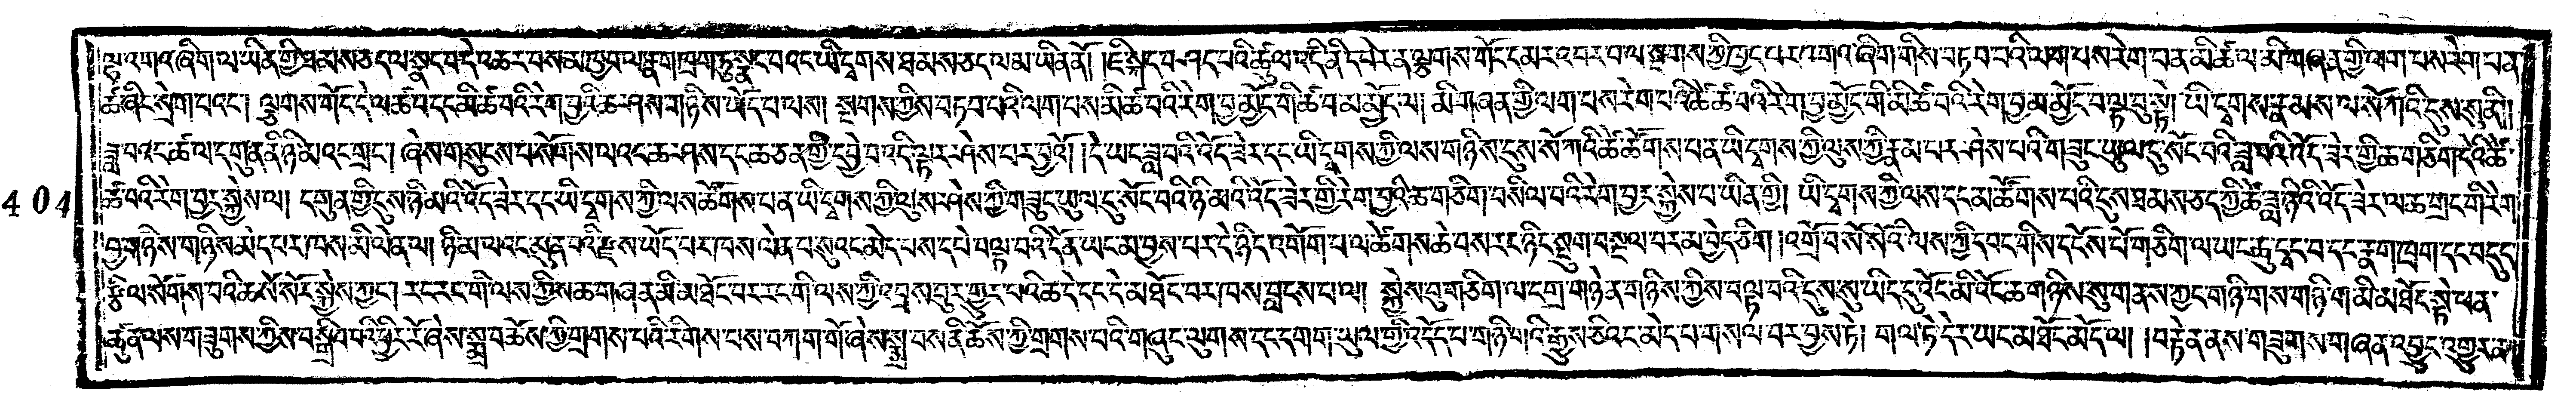ལྷ་འགའ་ཞིག་ལ་ཡིན་གྱི་ཐམས་ཅད་ལ་སྣང་བ་དེ་འཆར་བས་མ་ཁྱབ་ལ་རྣག་ཁྲག་ཏུ་སྣང་བའང་ཡི་དྭགས་ཐམས་ཅད་ལམ་ཡིན་ནོ། །ཇི་སྐད་བཤད་པའི་ཚུལ་འདི་ནི་དཔེར་ན་ལྕགས་གོང་དམར་འབར་བ་ལ་སྔགས་ཀྱི་ཁྱད་པར་འགའ་ཞིག་གིས་བཏབ་པར་ལག་པས་རེག་བམ་མི་ཚལ་མི་གཞན་གྱི་ལག་པས་རེག་པ་ན་
ཚ་ཞིང་སྲེག་པའང་། ལྕགས་གོང་དེ་ལ་ཚ་བ་དང་མི་ཚ་བའི་རེག་བྱའི་ཆ་ཤས་གཉིས་ཡོད་པ་ལས། སྔགས་ཀྱིས་བཏབ་པའི་ལག་པས་མི་ཚ་བའི་རེག་བྱ་མྱོང་གི་ཚ་བ་མ་མྱོང་ལ། མི་གཞན་གྱི་ལག་པས་རེག་པའི་ཚེ་ཚ་བའི་རེག་བྱ་མྱོང་གི་མི་ཚ་བའི་རེག་བྱ་མ་མྱོང་བ་ལྟ་བུ་སྟེ། ཡི་དྭགས་རྣམས་ལ་སོ་ཀའི་དུས་སུ་ནི།།
ཟླ་བའང་ཚ་ལ་དགུན་ནི་ཉི་མའང་གྲང་། ཞེས་གསུངས་པ་སོགས་ལའང་ཆ་ཤས་དང་ཆ་ཅན་གྱི་དབྱེ་བ་འདི་ལྟར་ཤེས་པར་བྱའོ། །དེ་ཡང་ཟླ་བའི་འོད་ཟེར་དང་ཡི་དྭགས་ཀྱི་ལས་གཉིས་དུས་སོ་ཀའི་ཚེ་ཚོགས་པ་ན་ཡི་དྭགས་ཀྱི་ལུས་ཀྱི་རྣམ་པར་ཤེས་པའི་གཟུང་ཡུལ་དུ་སོང་བའི་ཟླ་བའི་འོད་ཟེར་གྱི་ཆ་གཅིག་དེའི་ཚེ་
ཚ་བའི་རེག་བྱར་སྐྱེས་ལ། དགུན་གྱི་དུས་ཉི་མའི་འོད་ཟེར་དང་ཡི་དྭགས་ཀྱི་ལས་ཚོགས་པ་ན་ཡི་དྭགས་ཀྱི་ལུས་ཤེས་ཀྱི་གཟུང་ཡུལ་དུ་སོང་བའི་ཉི་མའི་འོད་ཟེར་གྱི་རེག་བྱའི་ཆ་གཅིག་བསིལ་བའི་རེག་བྱར་སྐྱེས་པ་ཡིན་གྱི། ཡི་དྭགས་ཀྱི་ལས་དང་མ་ཚོགས་པའི་དུས་ཐམས་ཅད་ཀྱི་ཚེ་ཟླ་ཉིའི་འོད་ཟེར་ལ་ཆ་གྲང་གི་རེག་
བྱ་གཉིས་གཉིས་མེད་པར་ཁས་མི་ལེན་ལ། ཉི་མ་ལའང་མུན་བའི་རྫས་ཡོད་པར་ཁས་ལེན་པ་སུའང་མེད་པས་དཔེ་བ་ལྟ་བའི་དོན་ཡང་མ་བྱས་པར་དེ་ཉིད་འགོག་པ་ལ་ཚེགས་ཆེ་བས་རང་ཉིད་སྡུག་བསྔལ་བར་མ་བྱེད་ཅིག །འགྲོ་བ་སོ་སོའི་ལས་ཀྱི་དབང་གིས་དངོས་པོ་གཅིག་ལ་ཡང་ཆུ་དྭང་བ་དང་རྣག་ཁྲག་དང་བདུད་
རྩི་ལ་སོགས་པའི་ཆ་སོ་སོར་སྐྱེས་ཀྱང་། རང་རང་གི་ལས་ཀྱིས་ཆ་གཞན་མི་མཐོང་བར་རང་གི་ལས་ཀྱི་འབྲས་བུར་གྱུར་པའི་ཆ་དེ་དང་དེ་མཐོང་བར་ཁས་བླངས་པ་ལ། སྐྱེས་བུ་གཅིག་ལ་དགྲ་གཉེན་གཉིས་ཀྱིས་བལྟ་བའི་དུས་སུ་ཡིད་དུ་འོང་མི་འོང་ཆ་གཉིས་སུ་གནས་ཀྱང་གཉི་གས་གཉི་ག་མི་མཐོང་སྟེ་ཕན་
ཚུན་ལས་གཟུགས་ཀྱིས་བསྒྲིབ་པའི་ཕྱིར་རོ་ཞེས་སྨྲ་བ་ཆོས་ཀྱི་གྲགས་པའི་རིགས་པས་བཀག་གོ་ཞེས་སྨྲ་བས་ནི་ཆོས་ཀྱི་གྲགས་པའི་གཞུང་ལུགས་དང་དགག་ཡུལ་གྱི་འདོད་པ་གཉི་གའི་རྒྱུས་ཅིའང་མེད་པ་གསལ་བར་བྱས་ཏེ། གལ་ཏེ་དེར་ཡང་མཐོང་མོད་ལ། །བརྟེན་ནས་གཟུགས་གཞན་འབྱུང་འགྱུར་ན།